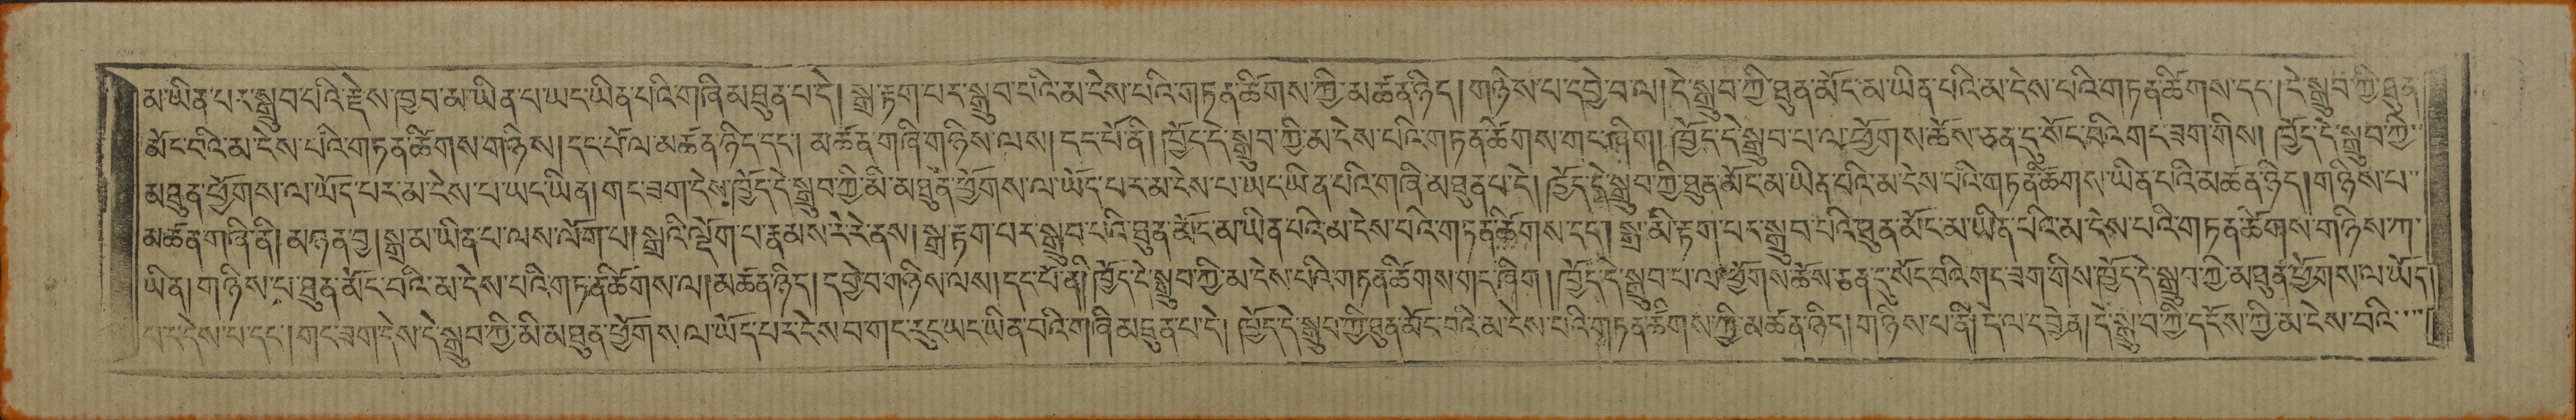མ་ཡིན་པར་སྒྲུབ་པའི་རྗེས་ཁྱབ་མ་ཡིན་པ་ཡང་ཡིན་པའི་གཞི་མཐུན་པ་དེ། སྒྲ་རྟག་པར་སྒྲུབ་པའི་མ་ངེས་པའི་གཏན་ཚིགས་ཀྱི་མཚན་ཉིད། གཉིས་པ་དབྱེ་བ་ལ། དེ་སྒྲུབ་ཀྱི་ཐུན་མོང་མ་ཡིན་པའི་མ་ངེས་པའི་གཏན་ཚིགས་དང་། དེ་སྒྲུབ་ཀྱི་ཐུན་
མོང་བའི་མ་ངེས་པའི་གཏན་ཚིགས་གཉིས། དང་པོ་ལ་མཚན་ཉིད་དང་། མཚན་གཞི་གཉིས་ལས། དང་པོ་ནི། ཁྱོད་དེ་སྒྲུབ་ཀྱི་མ་ངེས་པའི་གཏན་ཚིགས་གང་ཞིག །ཁྱོད་དེ་སྒྲུབ་པ་ལ་ཕྱོགས་ཆོས་ཅན་དུ་སོང་བའི་གང་ཟག་གིས། ཁྱོད་དེ་སྒྲུབ་ཀྱི་
མཐུན་ཕྱོགས་ལ་ཡོད་པར་མ་ངེས་པ་ཡང་ཡིན། གང་ཟག་དེས་ཁྱོད་དེ་སྒྲུབ་ཀྱི་མི་མཐུན་ཕྱོགས་ལ་ཡོད་པར་མ་ངེས་པ་ཡང་ཡིན་པའི་གཞི་མཐུན་པ་དེ། ཁྱོད་དེ་སྒྲུབ་ཀྱི་ཐུན་མོང་མ་ཡིན་པའི་མ་ངེས་པའི་གཏན་ཚིགས་ཡིན་པའི་མཚན་ཉིད། གཉིས་པ་
མཚན་གཞི་ནི། མཉན་བྱ། སྒྲ་མ་ཡིན་པ་ལས་ལོག་པ། སྒྲའི་ལྡོག་པ་རྣམས་རེ་རེ་ནས། སྒྲ་རྟག་པར་སྒྲུབ་པའི་ཐུན་མོང་མ་ཡིན་པའི་མ་ངེས་པའི་གཏན་ཚིགས་དང་། སྒྲ་མི་རྟག་པར་སྒྲུབ་པའི་ཐུན་མོང་མ་ཡིན་པའི་མ་ངེས་པའི་གཏན་ཚིགས་གཉིས་ཀ་
ཡིན། གཉིས་པ་ཐུན་མོང་པའི་མ་ངེས་པའི་གཏན་ཚིགས་ལ། མཚན་ཉིད། དབྱེ་བ་གཉིས་ལས། དང་པོ་ནི། ཁྱོད་དེ་སྒྲུབ་ཀྱི་མ་ངེས་པའི་གཏན་ཚིགས་གང་ཞིག །ཁྱོད་དེ་སྒྲུབ་པ་ལ་ཕྱོགས་ཆོས་ཅན་དུ་སོང་བའི་གང་ཟག་གིས་ཁྱོད་དེ་སྒྲུབ་ཀྱི་མཐུན་ཕྱོགས་ལ་ཡོད་
པར་དེས་པ་དང་། གང་ཟག་དེས་དེ་སྒྲུབ་ཀྱི་མི་མཐུན་ཕྱོགས་ལ་ཡོད་པར་ངེས་པ་གང་རུང་ཡང་ཡིན་པའི་གཞི་མཐུན་པ་དེ། ཁྱོད་དེ་སྒྲུབ་ཀྱི་ཐུན་མོང་བའི་མ་ངེས་པའི་གཏན་ཚིགས་ཀྱི་མཚན་ཉིད། གཉིས་པ་ནི། དེ་ལ་དབྱེ་ན། དེ་སྒྲུབ་ཀྱི་དངོས་ཀྱི་མ་ངེས་པའི་